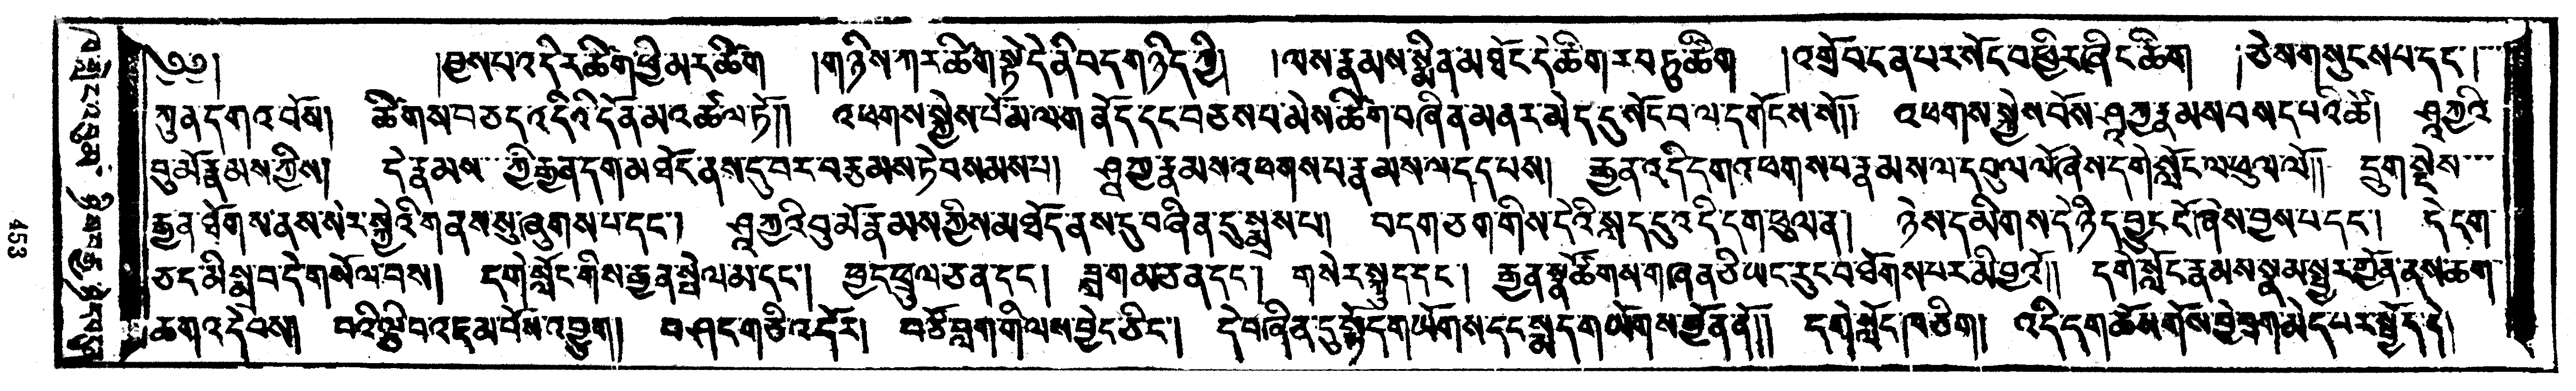༄༅། །བྱས་པ་འདིར་ཚིག་ཕྱི་མར་ཚིག །གཉིས་ཀར་ཚིག་སྟེ་དེ་ནི་བདག་ཉིད་ཀྱི། །ལས་རྣམས་སྨིན་མཐོང་དེ་ཚིག་རབ་ཏུ་ཚིག །འགྲོ་བ་ངན་པར་སོང་བ་ཕྱིར་ཞིང་ཚིག །ཅེས་གསུངས་པ་དང་།
ཀུན་དགའ་བོས། ཚིགས་བཅད་འདིའི་དོན་མ་འཚལ་ཏོ།། འཕགས་སྐྱེས་པོ་མ་ལ་གནོད་དང་བཅས་པ་མེས་ཚིག་བཞིན་མནར་མེད་དུ་སོང་བ་ལ་དགོངས་སོ།། འཕགས་སྐྱེས་བོས་ཤཱཀྱ་རྣམས་བསད་པའི་ཚེ། ཤཱཀྱའི་
བུ་མོ་རྣམས་ཀྱིས། དེ་རྣམས་ཀྱི་རྒྱན་དག་མཐོང་ནས་དུ་བར་བརྩམས་ཏེ་བསམས་པ། ཤཱཀྱ་རྣམས་འཕགས་པ་རྣམས་ལ་དད་པས། རྒྱན་འདི་དག་འཕགས་པ་རྣམས་ལ་དབུལ་ལོ་ཞེས་དགེ་སློང་ལ་ཕུལ་ལོ།། དྲུག་སྡེས་
རྒྱན་ཐོགས་ནས་སེར་སྐྱེའི་གནས་སུ་ཞུགས་པ་དང་། ཤཱཀྱའི་བུ་མོ་རྣམས་ཀྱིས་མཐོད་ནས་དུ་བཞིན་དུ་སྨྲས་པ། བདག་ཅག་གིས་དེའི་སླད་དུ་འདི་དག་ཕུལ་ན། ཉེས་དམིགས་དེ་ཉིད་བྱུང་ངོ་ཞེས་བྱས་པ་དང་། དེ་དག་
ཅད་མི་སྨྲ་བ་དེ་གསོལ་བས། དགེ་སློང་གིས་རྒྱན་སྤེལ་མ་དང་། ཕྱང་ཕྲུལ་ཅན་དང་། ཟླ་གམ་ཅན་དང་། གསེར་སྐུ་དང་། རྒྱན་སྣ་ཚོགས་གཞན་ཅི་ཡང་རུང་བ་ཐོགས་པར་མི་བྱའོ།། དགེ་སློང་རྣམས་སྣམ་སྦྱར་གྱོན་ནས་ཆག་
ཆག་འདེབས། བའི་ལྕི་བ་འཇམ་པོས་འབྱུག །བཤད་གཅི་འདོར། བཙོ་བླག་གི་ལས་བྱེད་ཅིང་། དེ་བཞིན་དུ་སྟོད་གཡོགས་དང་སྨད་གཡོགས་གྱོན་ནོ། །དགེ་སློང་ཁ་ཅིག །འདི་དག་ཆོས་གོས་བྱེ་བྲག་མེད་པར་སྦྱོད་དེ།